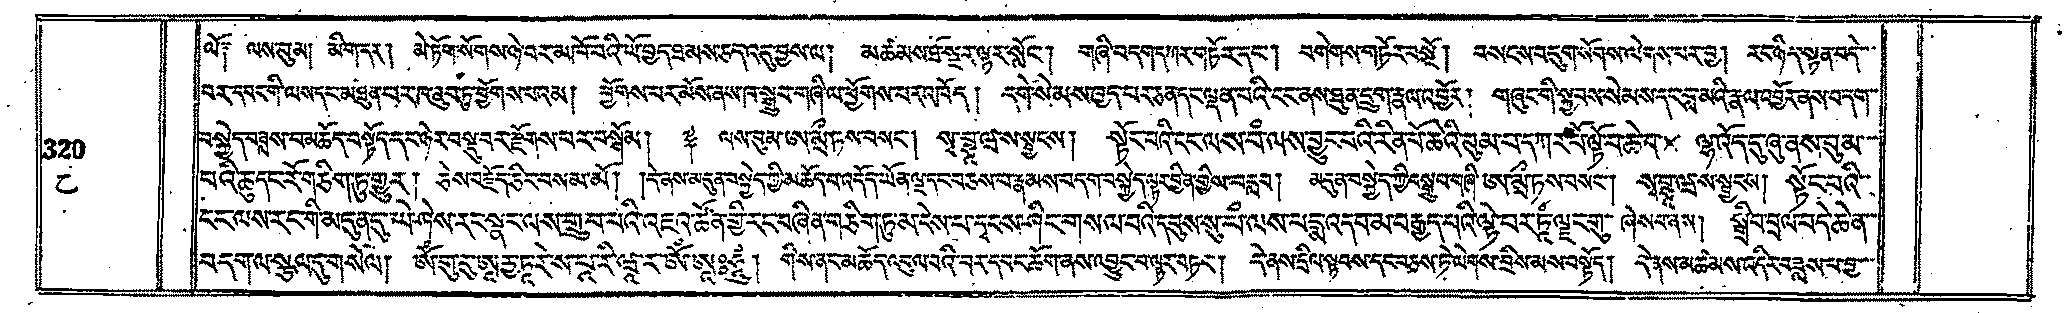ལོ༑ ལས་བུམ། མིག་དར། མེ་ཏོག་སོགས་ཉེ་བར་མཁོ་བའི་ཡོ་བྱད་ཐམས་ཅད་འདུ་བྱས་ལ། མཚམས་ཐོ་སྔར་ལྟར་སློང་། གཞི་བདག་དཀར་གཏོར་དང་། བགེགས་གཏོར་བསྔོ། བསངས་བདུག་སོགས་ལེགས་པར་བྱ། རང་ཉིད་སྟན་བདེ་་་
བར་དབང་གི་ལས་དང་མཐུན་པར་ཁ་ནུབ་ཏུ་ཕྱོགས་པའམ། ཕྱོགས་པར་མོས་ནས་ཁ་སྒྲུབ་གཞི་ལ་ཕྱོགས་པར་འཁོད། དགེ་སེམས་ཁྱད་པར་ཅན་དང་ལྡན་པའི་ངང་ནས་ཐུན་དྲུག་རྣལ་འབྱོར། གཞུང་གི་སྐྱབས་སེམས་དང་བླ་མའི་རྣལ་འབྱོར་ནས་བདག་་་
བསྐྱེད་བཟླས་པ་མཆོད་བསྟོད་དང་ཉེར་བསྡུ་བར་རྫོགས་པར་བསྒོམ། འ་ལས་བུམ་ཨ་མྲྀ་ཏས་བསང་། སྭ་བྷཱ་ཝས་སྦྱངས།  སྟོང་པའི་ངང་ལས་བཾ་ལས་བྱུང་བའི་རིན་པོ་ཆེའི་བུམ་པ་དཀར་པོ་ལྟོ་བ་ཆེ་བ་྾་ལྷ་འོད་དུ་ཞུ་ནས་བུམ་་་
པའི་ཆུ་དང་རོ་གཅིག་ཏུ་གྱུར། ཅེས་བརྗོད་ཅིང་བསམ་མོ། །དེ་ནས་མདུན་བསྐྱེད་ཀྱི་མཆོད་པ་འདོད་ཡོན་ལྔ་དང་བཅས་པ་རྣམས་བདག་བསྐྱེད་ལྟར་བྱིན་གྱིས་བརླབ། མདུན་བསྐྱེད་ཀྱི་བསྒྲུབ་གཞི་ཨ་མྲྀ་ཏས་བསང་། སྭ་བྷཱ་ཝས་སྦྱངས། སྟོང་པའི་་་
ངང་ལས་རང་གི་མདུན་དུ་ཡེ་ཤེས་རང་སྣང་ལས་གྲུབ་པའི་འཇའ་ཚོན་གྱི་རང་བཞིན་གཅིག་ཏུ་མ་ངེས་པ་དྭངས་ཤིང་གསལ་བའི་དབུས་སུ་པཾ་ལས་པདམ་འདབ་མ་བརྒྱད་པའི་ལྟེ་བར་ཏཱཾ་ལྗང་གུ་ཞེས་པ་ནས།  སྒྲིབ་བྲལ་བདེ་ཆེན་་་
བདག་ལ་སྩལ་དུ་གསོལ། ཨོཾ་གུ་རུ་ཨཱ་རྱ་ཏཱ་རེ་ས་པཱ་རི་ཝཱ་ར་ཨོཾ་ཨཱཿཧཱུཾ། གིས་ནང་མཆོད་འབུལ་བའི་བར་དབང་ཆོག་ནས་འབྱུང་བ་ལྟར་བཏང་། དེ་ནས་དྲིལ་སྟབས་དང་བཅས་ཏེ་ལེགས་བྲིས་མས་བསྟོད། དེ་ནས་མཚམས་འདིར་བཟླས་པ་བྱ་་་